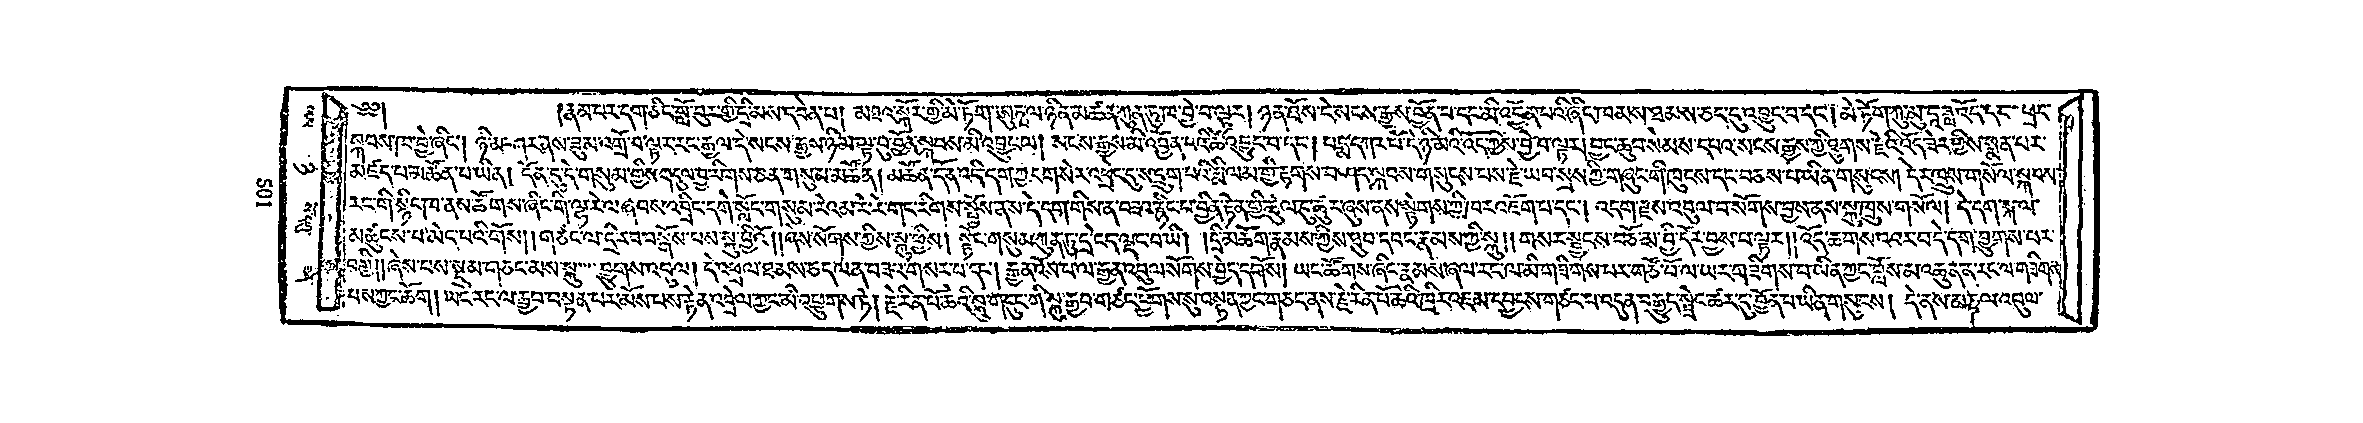༄༅། །རྣམ་པར་དག་ཅིང་གློ་བུར་གྱི་དྲི་མས་དབེན་པ། མཐའ་སྐོར་གྱི་མེ་ཏོག་ཨུཏྤ་ལ་ཉིན་མཚན་ཀུན་ཏུ་ཁ་བྱེ་བ་ལྟར། ཉན་ཐོས་ངེ་སངས་རྒྱས་བྱོན་པ་དང་མི་འབྱོན་པའི་ཞིང་ཁམས་ཐམས་ཅད་དུ་འབྱུང་བ་དང་། མེ་ཏོག་ཀུ་མུ་དཱ་ཟླ་འོད་དང་ཕྲང་
སྐབས་ཁ་བྱེ་ཞིང་། ཉི་མ་ཤར་ནས་ཟུམ་འགྲོ་བ་ལྟར་རང་རྒྱལ་དེ་སངས་རྒྱས་ཉི་མ་ལྟ་བུ་བྱོན་སྐབས་མི་འབྱུང་ལ། སངས་རྒྱས་མི་འབྱོན་པའི་ཚེ་འབྱུང་བ་དང་། པདམ་དཀར་པོ་དེ་ཉི་མའི་འོད་ཀྱིས་བྱེ་བ་ལྟར། བྱང་ཆུབ་སེམས་དཔའ་སངས་རྒྱས་ཀྱི་ཐུགས་རྗེའི་འོད་ཟེར་གྱིས་སྨན་པར་
མཛད་པ་མཚོན་པ་ཡིན། དོན་དུ་དེ་གསུམ་གྱིས་གདུལ་བྱ་རིགས་ཅན་གསུམ་མཚོན། མཚོན་དོན་འདི་དག་ཀྱང་གསེར་འཕྲེང་དུ་ས་དྲུག་པའི་རྨི་ལམ་གྱི་རྟགས་བཤད་སྐབས་གསུངས་པས་རྗེ་ཡབ་སྲས་ཀྱི་གཞུང་གི་ཁུངས་དང་བཅས་པ་ཡིན་གསུངས། དེར་ཁྲུས་གསོལ་སྐབས་
རང་གི་སྙིང་ཁ་ནས་ཚོགས་ཞིང་གི་ལྷ་རེ་ལ་ཞབས་འབྲིང་དགེ་སློང་གསུམ་རེའམ་རེ་རེ་གང་རིགས་སྤྱོས་ནས་དེ་དག་གིས་ན་བཟའ་རྙིང་པ་བྱིན་རྟེན་གྱི་ཚུལ་དུ་ཚུར་ཞུས་ནས་སྟེགས་ཀྱི་ཁར་འཇོག་པ་དང་། འདག་རྫས་འབུལ་བ་སོགས་བྱས་ནས་སྐུ་ཁྲུས་གསོལ། དེ་དག་སྐ་ལ་
མཚུངས་པ་མེད་པའི་གོས། །གཙང་ལ་དྲི་རབ་བསྒོས་པས་སྐུ་བྱིའོ། །ཞེས་སོགས་ཀྱིས་སྐུ་ཕྱིས། སྟོང་གསུམ་ཀུན་ཏུ་དྲེ་ངད་ལྡང་བ་ཡི། །དྲི་མཆོག་རྣམས་ཀྱིས་ཐུབ་དབང་རྣམས་ཀྱི་སྐུ། །གསར་སྦྱངས་བཅོ་མ་བྱི་དོར་བྱས་པ་ལྟར། །འོད་ཆགས་འབར་བ་དེ་དག་བྱུགས་པར་
བགྱི། །ཞེས་པས་སྡུམ་གཙང་མས་སྐུ་བྱུགས་འབུལ། དེ་འཕྲལ་ཐམས་ཅད་ལན་བཟའ་གསར་པ་དང་། རྒྱན་འོས་པ་ལ་རྒྱན་འབུལ་སོགས་བྱེད་དགོས། ཡང་ཚོགས་ཞིང་རྣམས་ཞལ་རང་ལ་མི་གཟིགས་པར་གཙོ་བོ་ལ་ཡར་གཟིགས་པ་ཡིན་ཀྱང་བློས་མ་འཆུན་ན་རང་ལ་གཟིགས་
པས་ཀྱང་ཆོག །ཡང་རང་ལ་རྒྱབ་བསྟན་པར་མོས་པས་རྟེན་འབྲེལ་ཀྱང་མི་འཕྱུགས་ཏེ། རྗེ་རིན་པོ་ཆེའི་སྐུ་གདུང་གི་སྐུ་རྒྱབ་གཙང་ཕྱོགས་སུ་བསྟན་ཀྱང་གཅང་ནས་རྗེ་རིན་པོ་ཆེའི་ཁྲིར་འཇམ་དབྱངས་གཙང་པ་འདུན་བརྒྱུད་སྦྲེང་ཚར་དུ་བྱོན་པ་ཡིན་གསུངས། དེ་ནས་མཎྜལ་འབུལ་